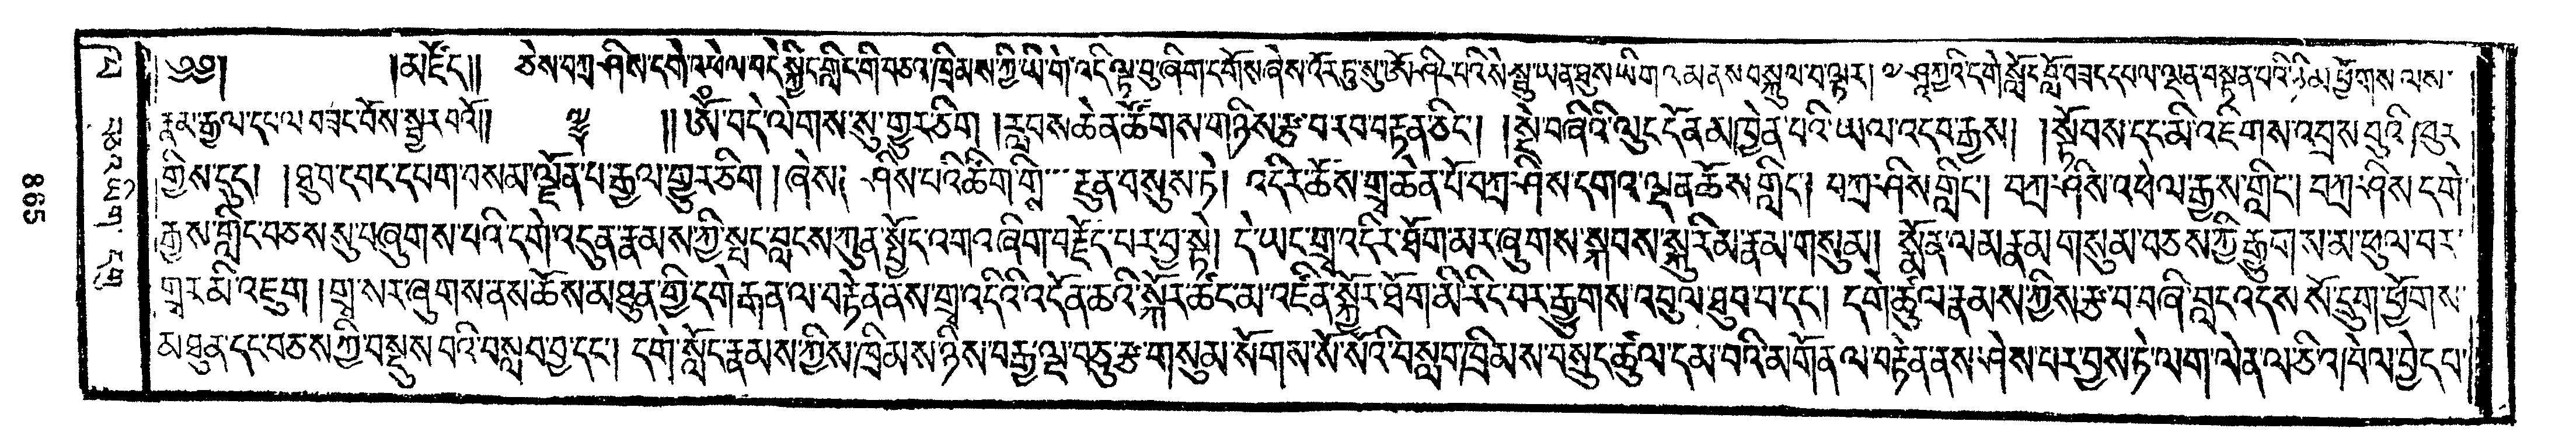༄༅། །མཛོད།། ཅེས་བཀྲ་ཤིས་དགེ་འཕེལ་བདེ་སྐྱིད་གླིང་གི་བཅའ་ཁྲིམས་ཀྱི་ཡི་གེ་འདི་ལྟ་བུ་ཞིག་དགོས་ཞེས་འོར་ཏུ་སུ་ཨོ་ཤིང་པའི་སེ་སྦུ་ཡན་ཐུས་ཡིག་ལམ་ནས་བསྐུལ་བ་ལྟར། ༧་ཤཱཀྱའི་དགེ་སློང་བློ་བཟང་དཔལ་ལྡན་བསྟན་པའི་ཉི་མ་ཕྱོགས་ལས་
རྣམ་རྒྱལ་དཔལ་བཟང་བོས་སྦྱར་བའོ།། ༈ །།ཨོཾ་བདེ་ལེགས་སུ་གྱུར་ཅིག །རླབས་ཆེན་ཚོགས་གཉིས་རྩ་བ་རབ་བརྟན་ཅིང་། །སྡེ་བཞིའི་ལུང་དོན་མཁྱེན་པའི་ཡལ་འདབ་རྒྱས། །སྟོབས་དང་མི་འཇིགས་འབྲས་བུའི་ཁུར་
གྱི་ས་དུད། །ཐུབ་དབང་དཔག་བསམ་ལྗོན་པ་རྒྱལ་གྱུར་ཅིག །ཞེས༑ ཤིས་པའི་ཚིག་གིས་རྡུན་བསུས་ཏེ། འདིར་ཆོས་གྲྭ་ཆེན་པོ་བཀྲ་ཤིས་དགའ་ལྡན་ཆོས་གླིང་། བཀྲ་ཤིས་གླིང་། བཀྲ་ཤིས་འཕེལ་རྒྱས་གླིང་། བཀྲ་ཤིས་དགེ་
རྒྱས་གླིང་བཅས་སུ་བཞུགས་པའི་དགེ་འདུན་རྣམས་ཀྱི་སྤང་བླངས་ཀུན་སྤྱོད་འགའ་ཞིག་བརྗོད་པར་བྱ་སྟེ། དེ་ཡང་གྲྭ་འདིར་ཐོག་མར་ཞུགས་སྐབས་སྐུ་རིམ་རྣམ་གསུམ། སྨོན་ལམ་རྣམ་གསུམ་བཅས་ཀྱི་རྒྱུགས་མ་ཕུལ་བར་
གྲྭར་མི་འཇུག །གྲྭ་སར་ཞུགས་ནས་ཆོས་མཐུན་གྱི་དགེ་རྒན་ལ་བརྟེན་ནས་གྲྭ་འདིའི་འདོན་ཆའི་སྐོར་ཚང་མ་འཛིན་སྐྱོར་ཐོག་མི་རིང་བར་རྒྱུགས་འབུལ་ཐུབ་བ་དང་། དགེ་ཚུལ་རྣམས་ཀྱིས་རྩ་བ་བཞི་བླང་འདས་སོ་དྲུག་ཕྱོགས་
མཐུན་དང་བཅས་ཀྱི་བསྡུས་པའི་བསླབ་བ་བྱ་དང་། དགེ་སློང་རྣམས་ཀྱིས་ཁྲིམས་ཉིས་བརྒྱ་ལྔ་བཅུ་རྩ་གསུམ་སོགས་སོ་སོའི་བསླབ་ཁྲིམས་བསྲུད་ཚུལ་དམ་པའི་མགོན་ལ་བརྟེན་ནས་ཤེས་པར་བྱས་ཏེ་ལག་ལེན་ལ་ཅི་འཁེལ་བྱེད་པ་